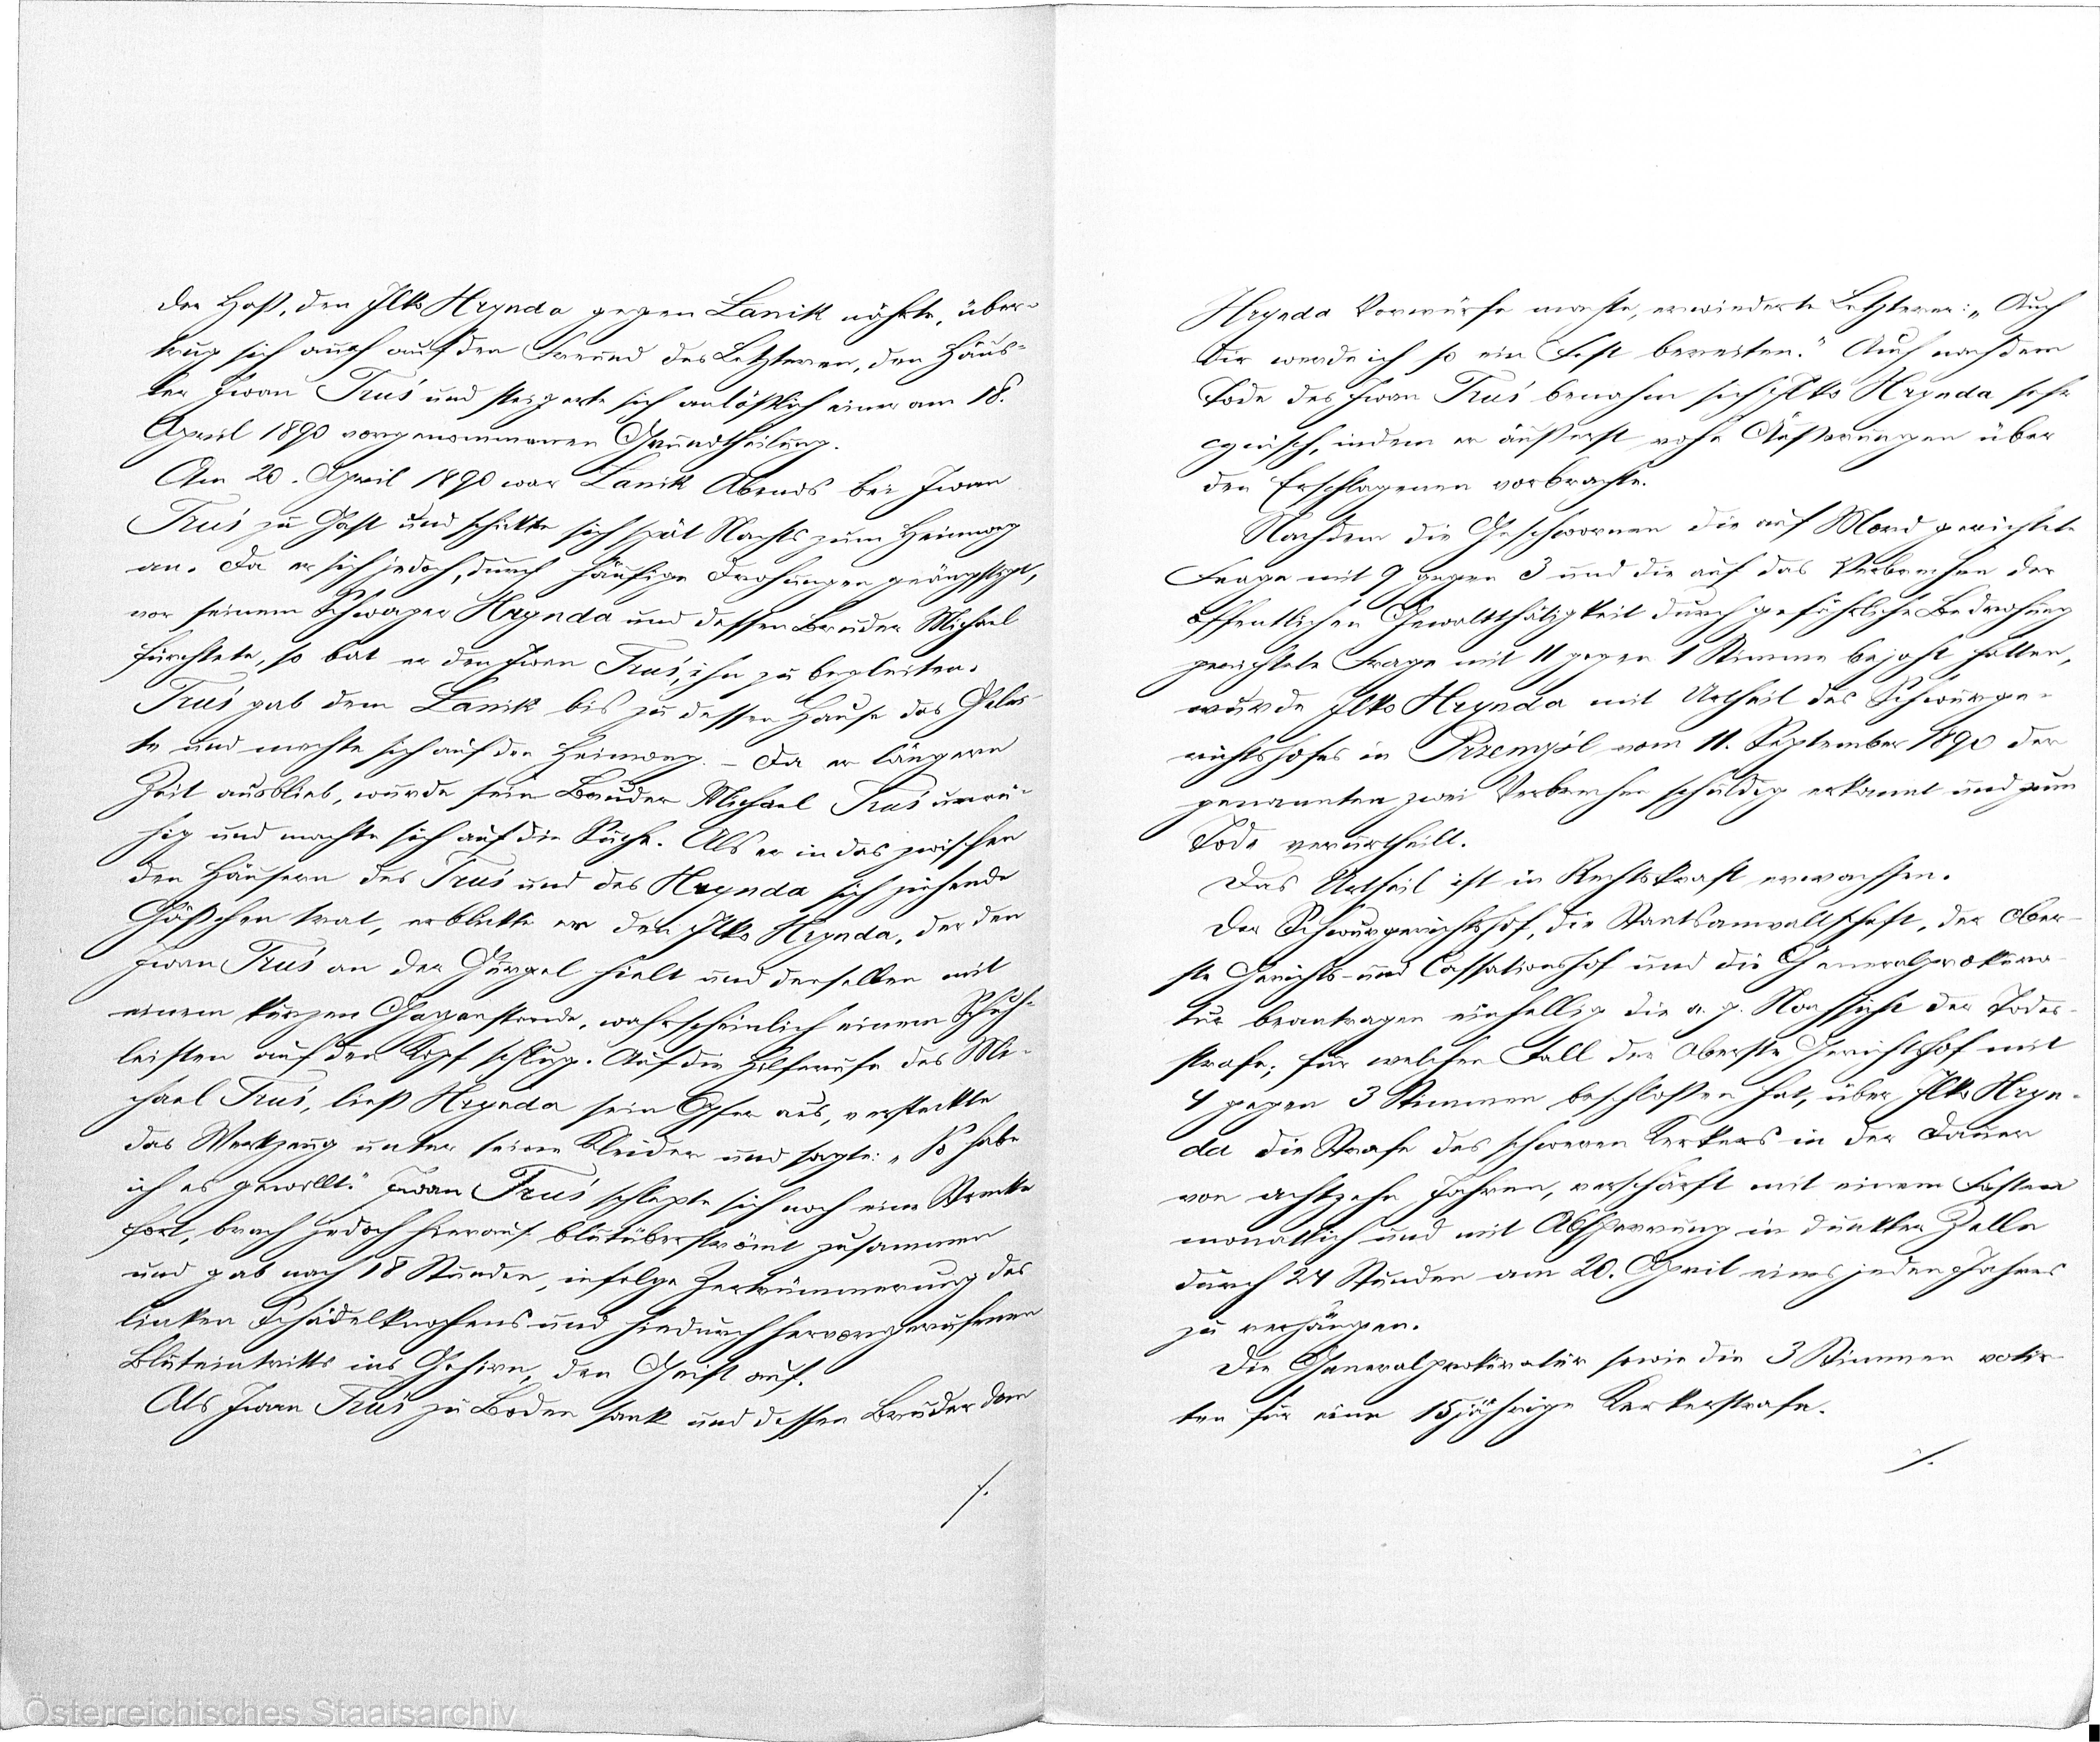Der Haß, den Jlko Hrynda gegen Lanik nährte, über¬
trug sich auch auf den Freund des Letzeren, den Häus¬
ler Jwan Tru's und steigerte sich anläßlich einer am 18.
April 1890 vorgenommenen Grundtheilung.
Am 20. April 1890 war Lanik Abends bei Jwan
Tru's zu Gast und schickte sich spät Nachts zum Heimweg
an. Da er sich jedoch, durch häufige Drohungen geäxx,
vor seinem Schwager Hrynda und dessen Bruder Michael
fürchtete, so bat er den Jwan Tru's, ihn zu begleiten.
Tru's gab dem Lanik bis zu dessen Hause das Gelxx¬
te und machte sich auf den Heimweg. - Da er längere
Zeit ausblieb, wurde sein Bruder Michael Tru's unru¬
hig und machte sich auf die Suche. Als er in das zwischen
den Häusern des Tru's und des Hrynda sich ziehende
Gäßchen trat, erblickte er den Jlko Hrynda, der den
Jwan Tru's an der Gurgel hielt und derselben mit
einem kurzen Gegenstande, wahrscheinlich einem Schuh¬
leisten auf den Kopf schlug. Auf die Hilferufe des Mi¬
chael Tru's, ließ Hrynda sein Opfer aus, ersteckte
das Werkzeug unter seine Kleider und sagte: „ So habe
ich es gewollt." Jwan Tru's schlepte sich noch eine Brecke
fort, brach jedoch hierauf blutüberxx zusammen
und gab nach 18 Stunden, infolge Zertrümmerung des
linken Schädelknochens und hindurch hervorrgerufenen
Bluteintritts ins Gehirn, den Geist auf.
Aus Jwan Tru's zu Boden sank und dessen Bruder dem
Hrynda Vorwürfe machte, erwiederte Letzterer: „Auch
die werde ich so ein Fest bereiten." Auch nach dem
Tode des Jwan Tru's benahm sich Jlko Hrynda sehr
xx, in dem xx äußerst rohe Äußerungen über
den Erschlagenen vorbrachte.
Nachdem die Geschwornen die auf Mord gerichtet
Frage mit 9 gegen 3 und die auf das Verbrechen der
öffentlichen Gewaltthätigkeit durch gefährliche Bedrohung
gerichtete Frage mit 11 gegen 1 Stimme bejaht hatten,
wurde Jlko Hrynda mit Urtheil des Schwurge¬
richteshofes i Przemys'l vom 11. September 1890 der
genannten zwei Verbrechen schuldig erkannt und zum
Tode verurtheilt.
Das Urtheil ist in Rechskraft erwachsen.
Der Schwurgerichtshof, die Staatsanwaltschaft, der Ober¬
ste Gerichts- und Cassationshof und die Generalprokura¬
tur beantragen einhellig die a. g. Nachsicht der Todes¬
strafe; für welchen Fall der Oberste Gerichtshof mit
4 gegen 3 Stimmen beschloßen hat, über Jlko Hryn¬
da die Strafe des schweren Kerkers in der Dauer
von achtzehn Jahren, verschärft mit einem Fasten
monatlich und mit Absperrung in dunkler Zelle
durch 24 Stunden am 20. April eines jeden Jahres
zu verhängen.
Die Generalprokuratur sowie die 3 Stimmen votir¬
ten für eine 15jährige Kerkerstrafe.